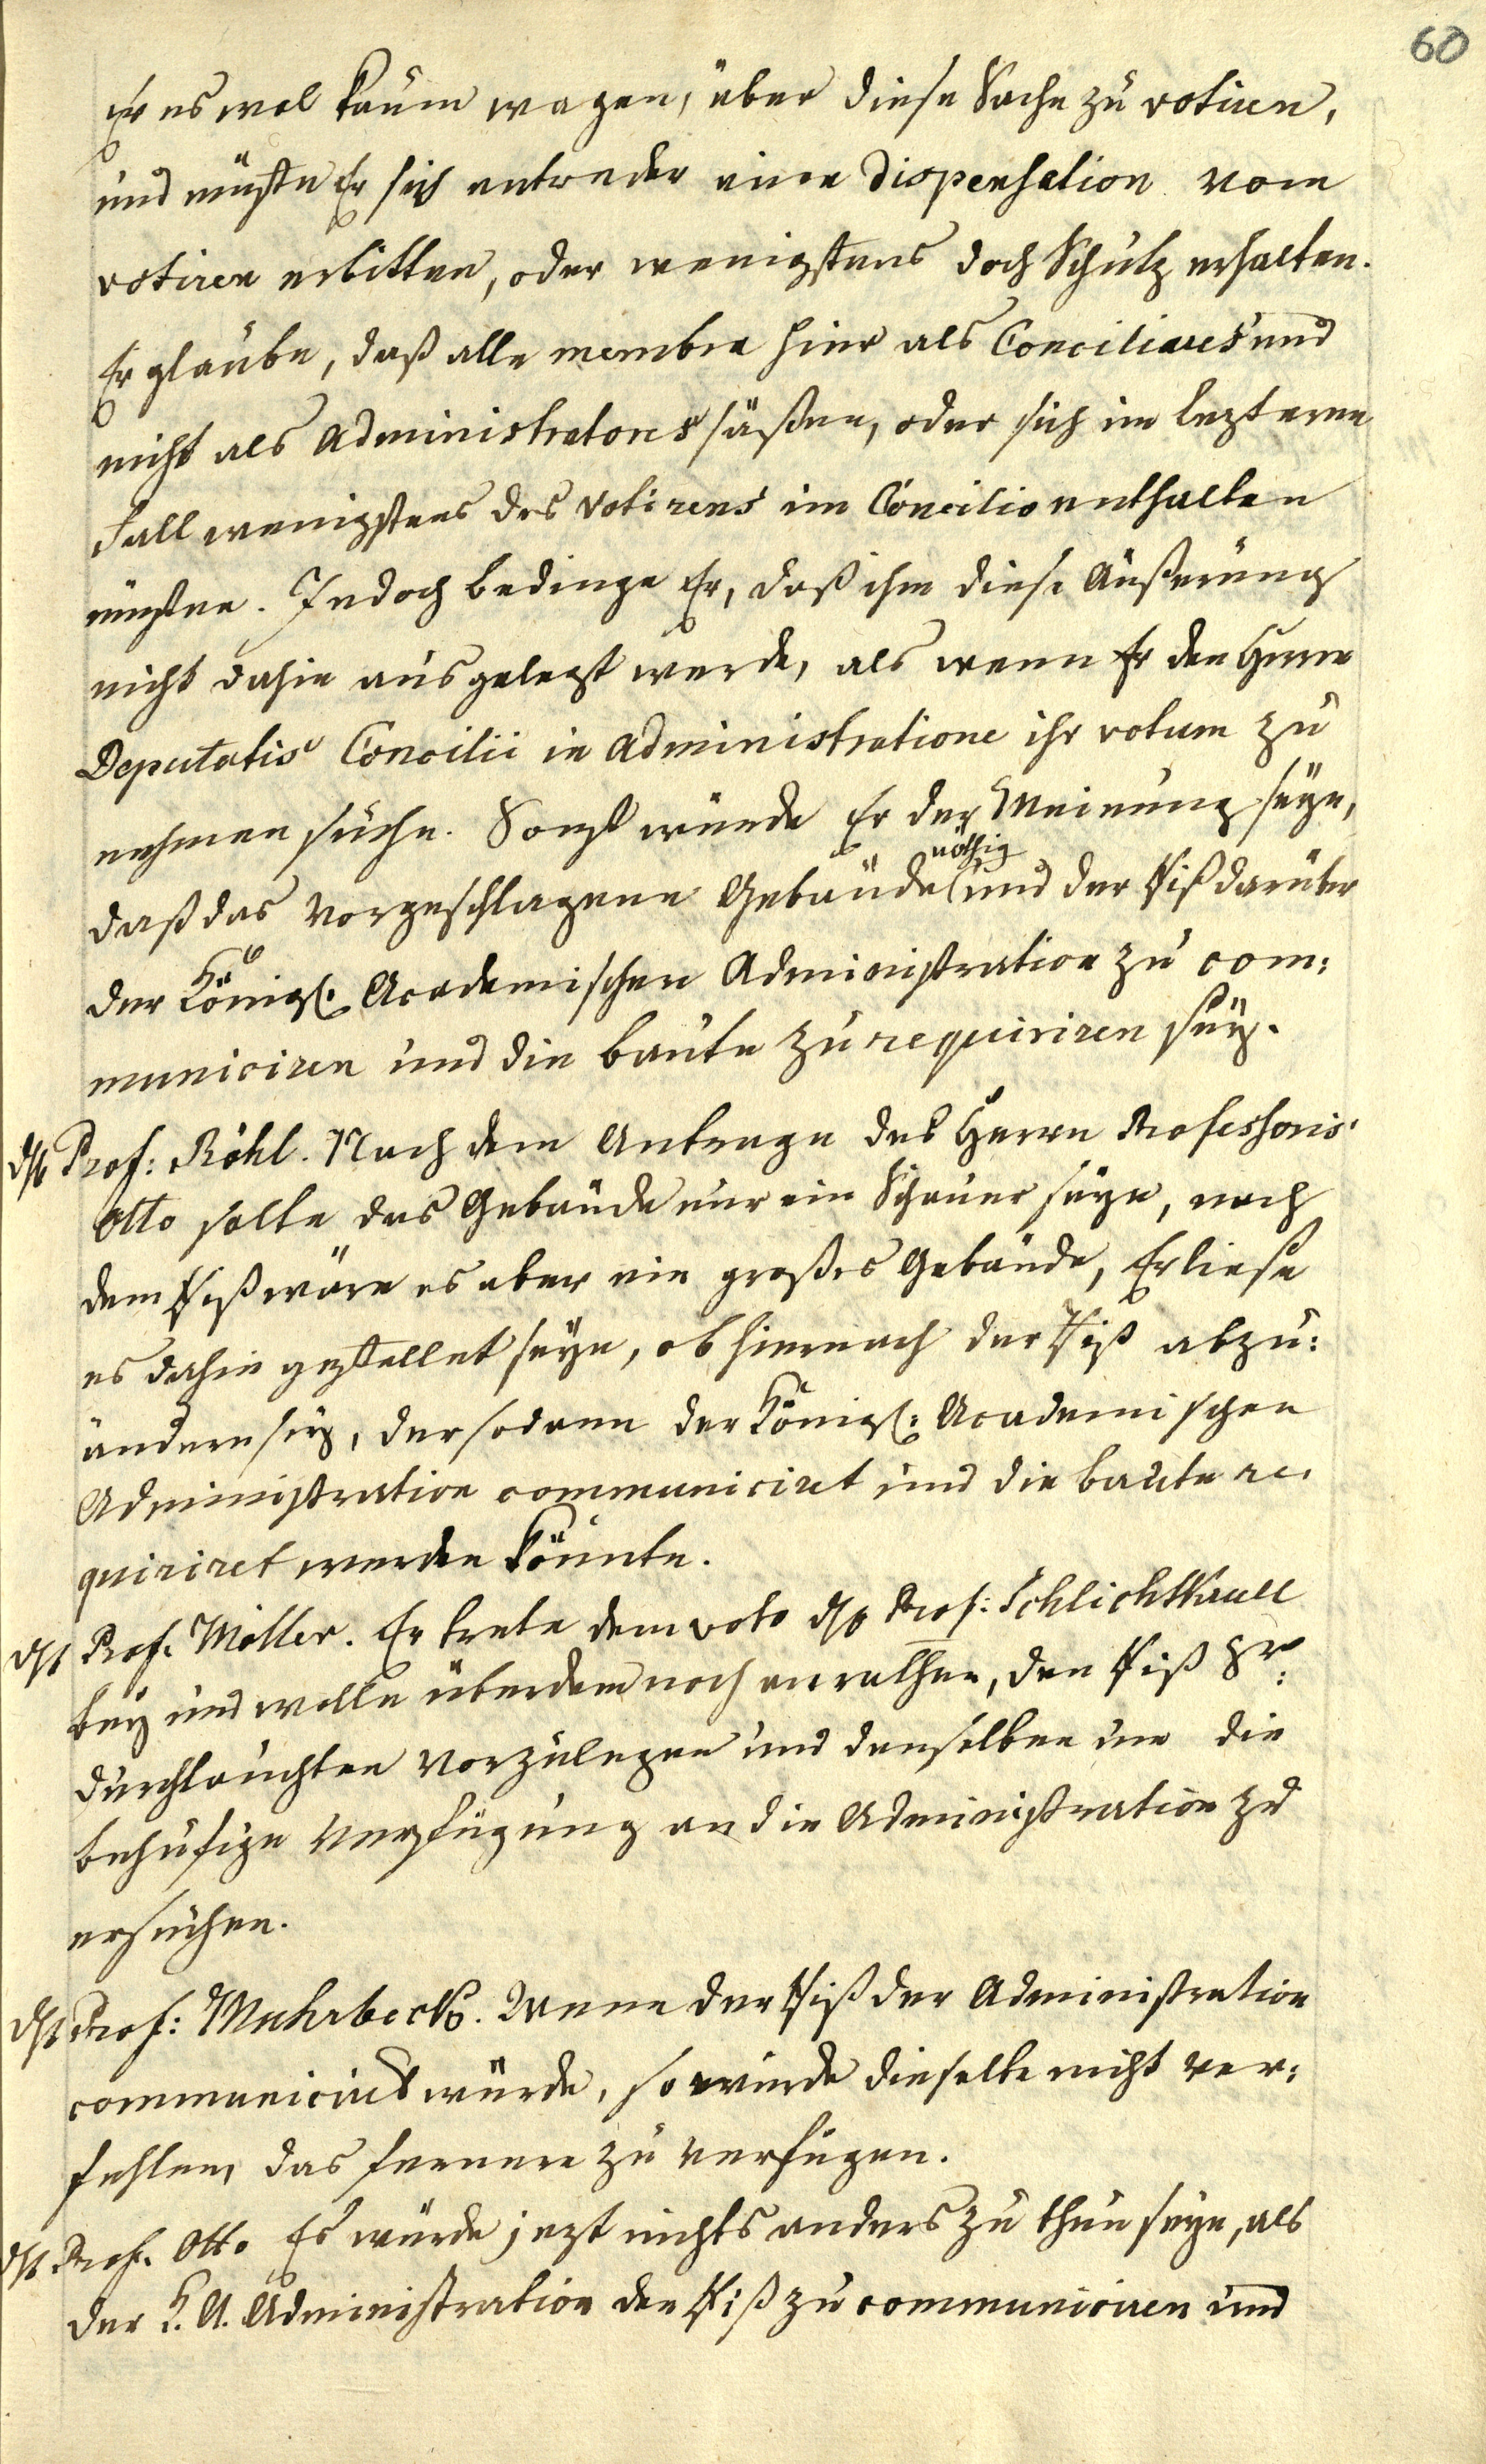Er es wol kaum wagen, über diese Sache zu votiren,
und müste Er sich entweder eine dispensation vom
votiren erbitten, oder wenigstens doch Schutz erhalten.
Er glaube, daß alle membra hier als Conciliares und
nicht als Administratores säßen, oder sich im lezteren
Fall wenigstens des votirens im Concilio enthalten
müsten. Jedoch bedinge Er, daß ihm diese Äußerung
nicht dahin ausgelegt werde, als wenn Er den Herrn
Deputatis Concilii in Administratione ihr votum zu
nehmen suche. Sonst würde Er der Meinung seÿn,
daß das vorgeschlagene Gebäude nöthig und der Riß darüber
der Königl. Academischen Administration zu com¬
municiren und die Baute zu requiriren seÿ.
dh Prof. Röhl. Nach dem Antrage des Herrn Professoris
Otto solte das Gebäude nur ein Schauer seÿn, nach
dem Riß wäre es aber ein großes Gebäude, Er ließe
es dahin gestellet seÿn, ob hiernach der Riß abzu¬
ändern seÿ, der sodann der Königl. Academischen
Administration communiciret und die Baute re¬
quiriret werden könnte.
dh Prof. Möller. Er trete dem voto dh Prof. Schlichtkrull
beÿ und wolle überdem noch anrathen, den Riß Sr
Durchlauchten vorzulegen und denselben um die
behufige Verfügung an die Administration zu
ersuchen.
dh Prof. Muhrbeck. Wenn der Riß der Administration
communiciret würde, so würde dieselbe nicht ver¬
fehlen, das fernere zu verfügen.
dh Prof. Otto Es würde jezt nichts anders zu thun seÿn, als
der K. A. Administration den Riß zu communiciren und